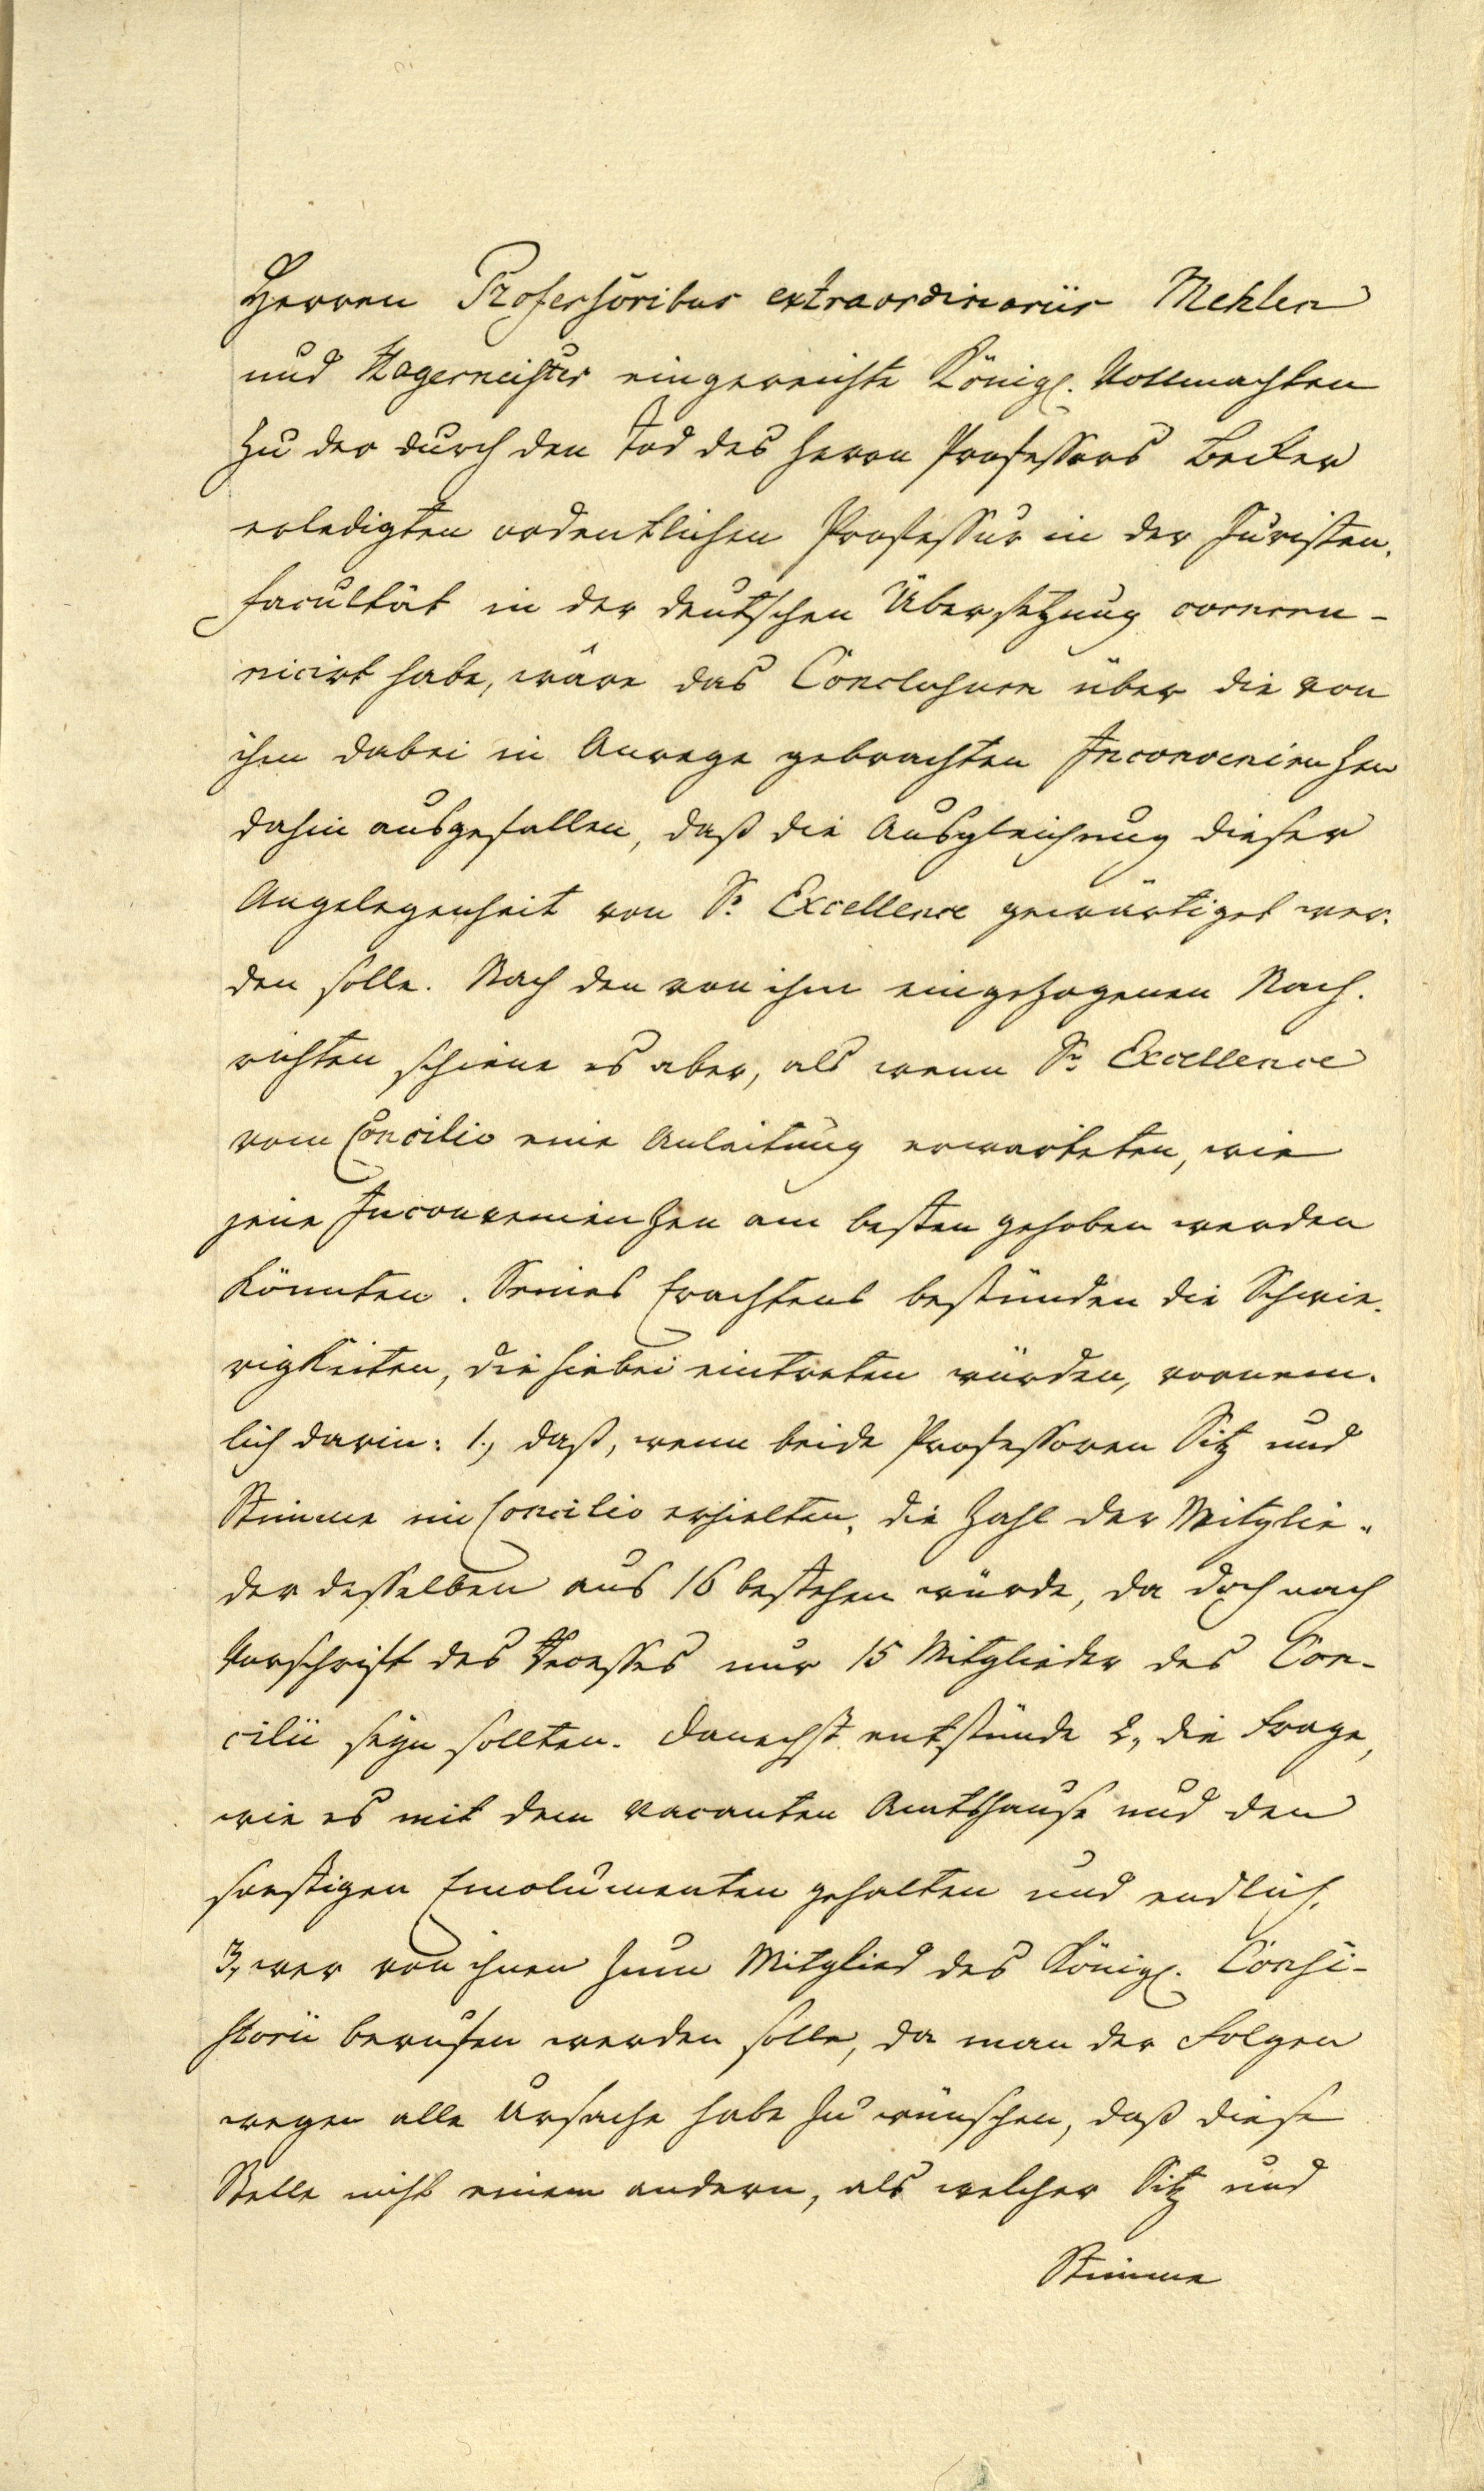Herren Professoribus extraordinariis Mehlen
und Hagemeister eingereichte Königl. Vollmachten
zu der durch den Tod des herrn Professors Becker
erledigten ordentlichen Professur in der Juristen
Facultät in der deutschen Übersetzung commu¬
nicirt habe, wäre das Conclusum über die von
ihm dabei in Anrege gebrachten Inconvenienzen
dahin ausgefallen, daß die Ausgleichung dieser
Angelegenheit von Sr. Excellence gewürtiget wer¬
den solle. Nach den von ihm eingezogenen Nach¬
richten schiene es aber, als wenn Sr. Excellence
vom Concilio eine Anleitung erwarteten, wie
jene Inconvenienzen am besten gehoben werden
könnten. Seines Erachtens bestünden die Schwie¬
rigkeiten, die hiebei eintreten würden, vornem¬
lich darin: 1., daß, wenn beide Professoren Sitz und
Stimme im Concilio erhielten, die Zahl der Mitglie¬
der desselben aus 16 bestehen würde, da doch nach
Vorschrift des Recesses nur 15 Mitglieder des Con¬
cilii seÿn sollten. Danechst entstünde 2., die Frage,
wie es mit dem vacanten Amtshause und den
sonstigen Emolumenten gehalten und endlich,
3, wer von ihnen zum Mitglied des Königl. Consi¬
storii berufen werden solle, da man der Folgen
wegen alle Ursache habe zu wünschen, daß diese
Stelle nicht einem andern, als welcher Sitz und
Stimme